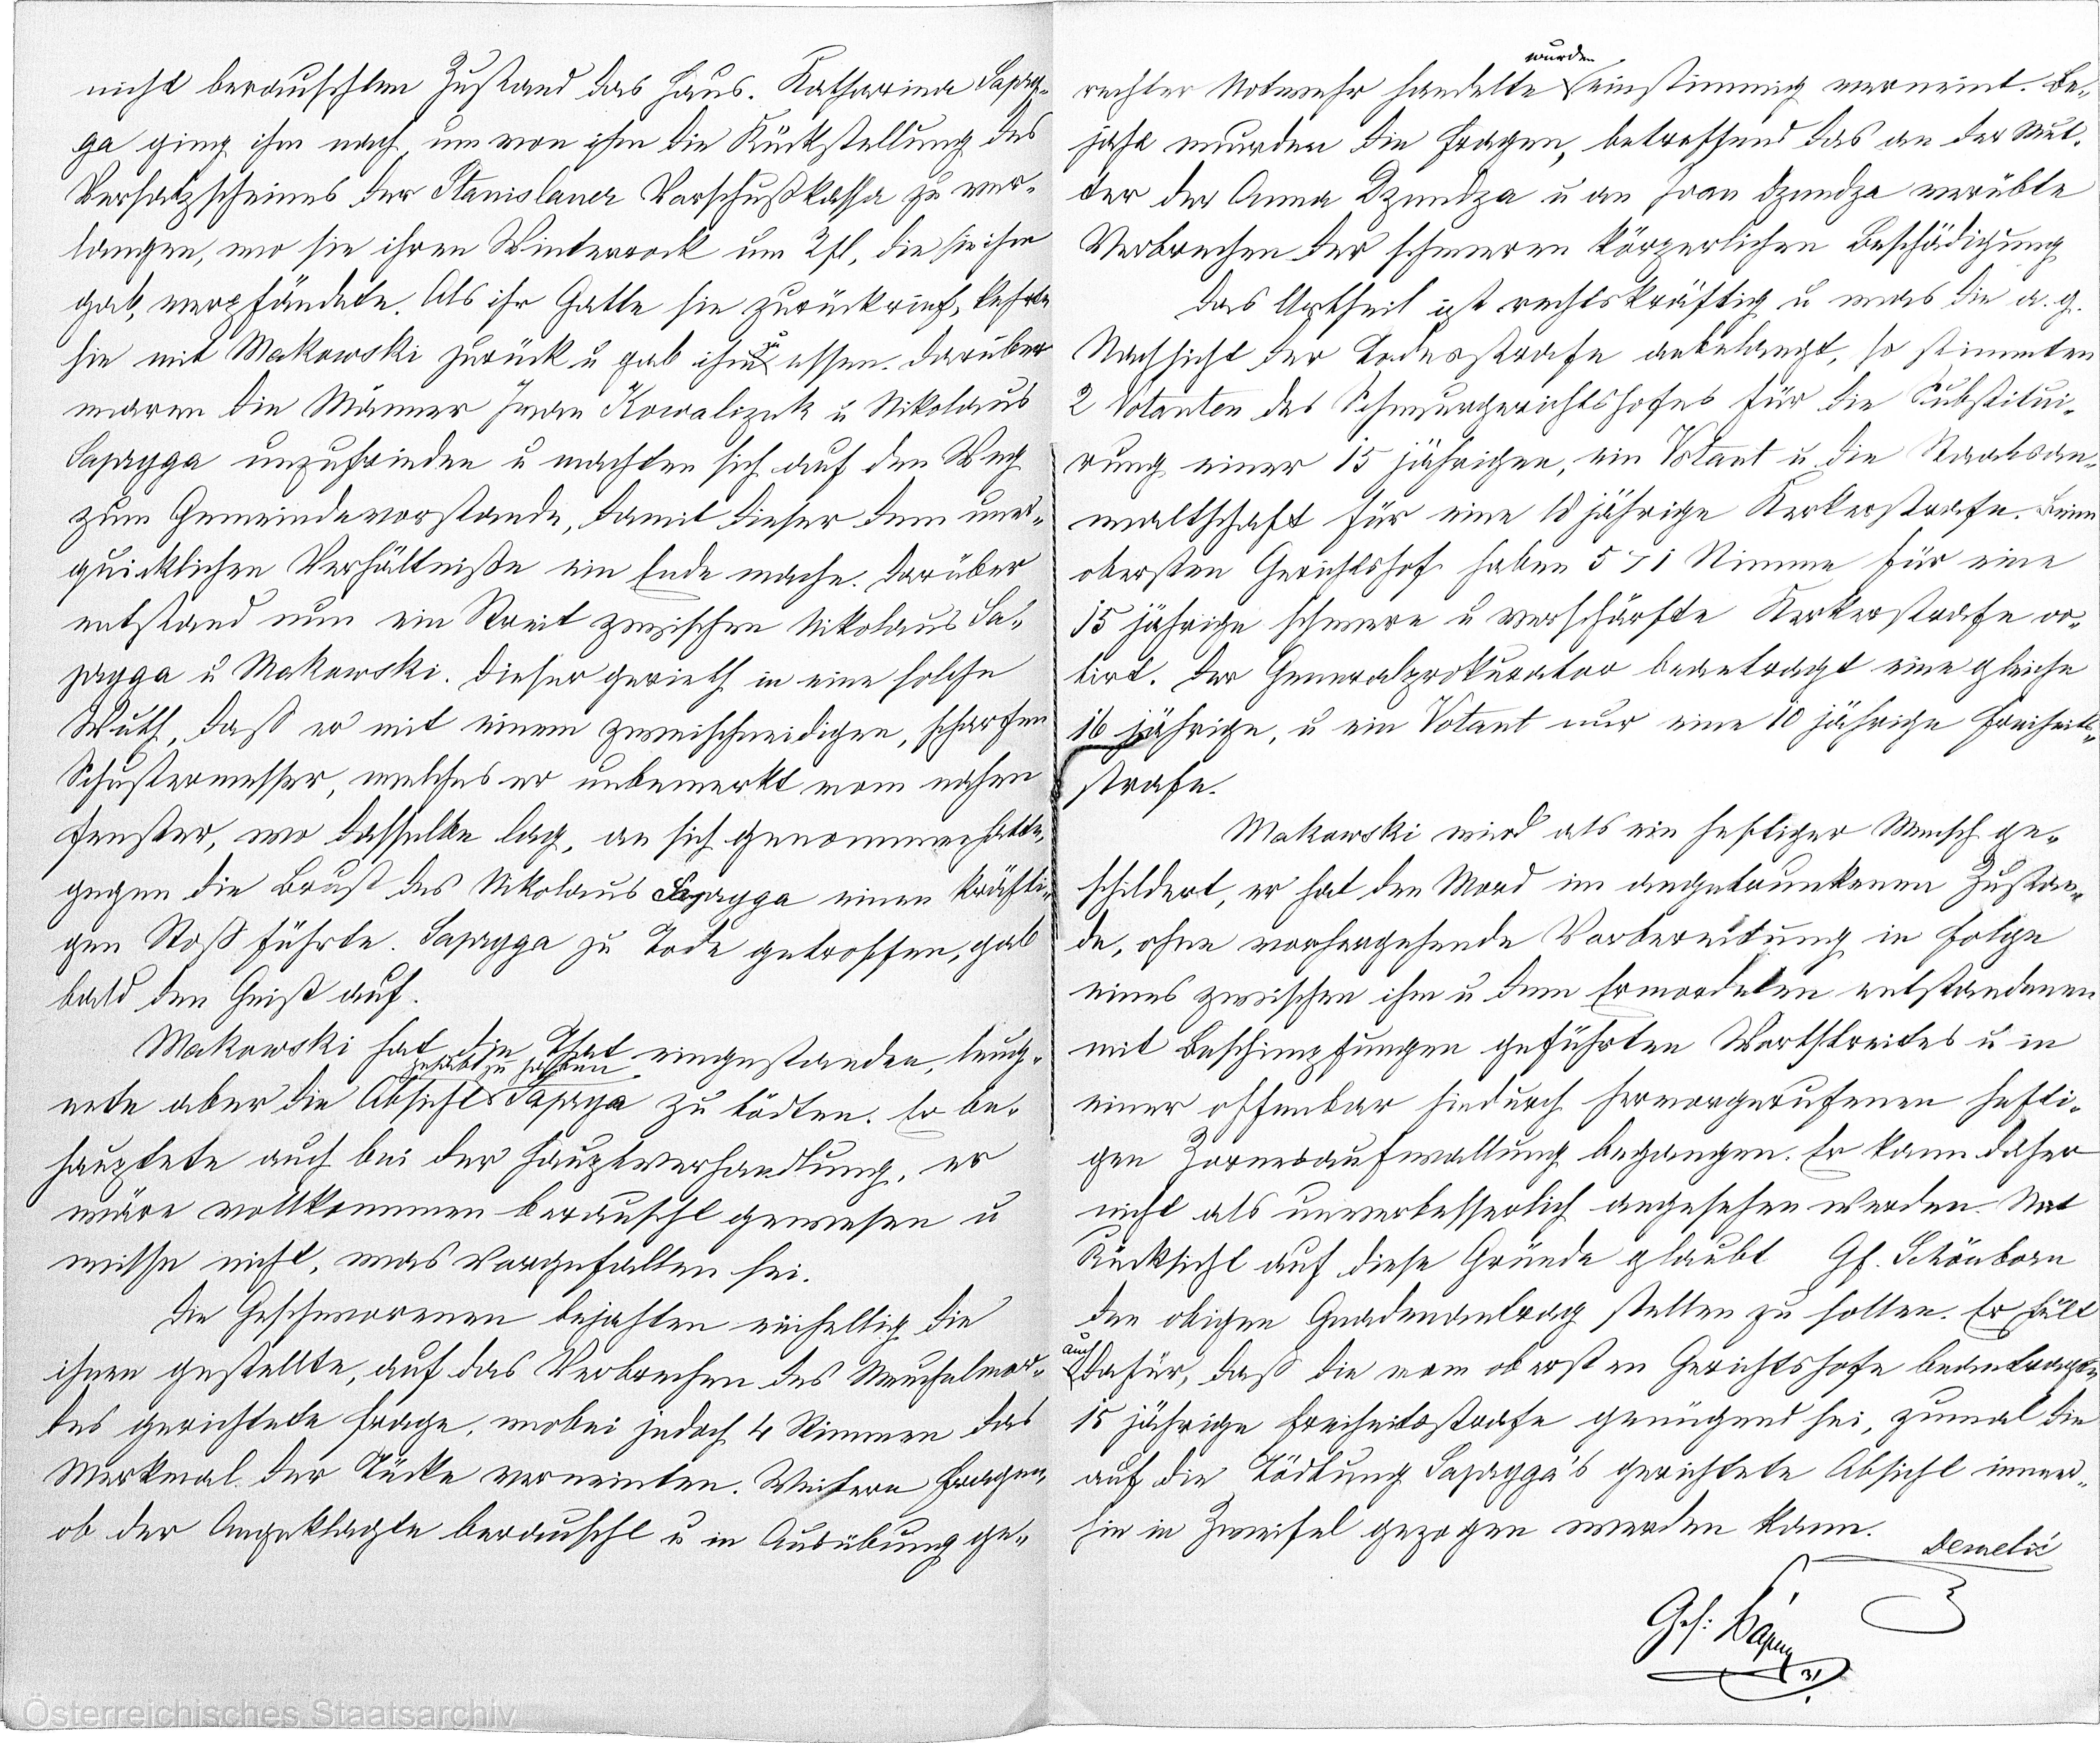nicht berauschten Zustand das Haus. Katharina Sapry¬
ga ging ihm nach um von ihm die Rückstattung des
Barsatzscheines der Stanislauer Vorschußkassa zu ver¬
langen, wo sie ihren Winterrock um 3fl, die sie ihm
gab, verpfändete. Als ihr Gatte sie zurückrief, kehrte
zu
sie mit Makowski zurück u gab ihm essen. Darüber
waren die Männer Iwan Kowalczu, u Nikolaus
Sapryga unzufrieden u machten sich auf den Weg
zum Gemeindevorstande, damit dieser dem uner¬
quicklichen [unedifying?] Verhältniße ein Ende mache. Darüber
entstand nun ein Streit zwischen Nikolaus Sa¬
pryga u Makowski. Dieser gerieth in eine solche
Wuth, daß er mit einem zweischneidigen, scharfen
Schustermesser, welches er unbemerkt vom nahen
Fenster, wo dasselbe lag, an sich genommen hate,
gegen die Brust des Nikolaus Sapryga einen kräfti¬
gen Stoß führte. Sapryga zu Tode getroffen, gab
bald den Geist auf.
Makowski hat die That eingestanden, leg¬
gehabt zu haben
nete aber die Absicht Sapryga zu tödten. Er be¬
hauptete auch bei der Hauptverhandlung, er
wäre vollkommen berauscht gewesen u
wisse nicht, was vorgefalten sei.
Die Geschworenen bejahten einhellig die
ihnen gestellte, auf das Verbrechen des Meuchelmor¬
des gerichtete Frage, wobei jedoch 4 Stimmen das
Merkmal der Tücke verneinten. Weitere Fragen,
ob der Angeklagte berauscht u in Ausübung ge¬
wurde
rechter Notwehr handelte einstimmig verneint. Be¬
jaht wurden die Fragen, betreffend das an der Mut¬
ter der Anna Dzendza u an Ivan Dzendza verübte
Verbrechen der schweren Körperlichen Beschädigung.
Das Urtheil ist rechtskräftig u was die a.g.
Nachsicht er Todesstrafe anbelangt, so stimmten
2 Votanten des Schwurgerichtshofes für die Substitui¬
rung einer 15 jährigen, ein Votant u die Staatsan¬
waltschaft für eine 18 jährige Kerkerstrafe. Beim
obersten Gerichtshof haben 5 > 1 Stimme für eine
15 jährige schwere u verschärfte Kerkerstrafe vo¬
tirt. Der Generalprokurator beantragt eine gleiche
16jährige, u ein Votant nur eine 10 jährige Freiheits¬
strafe.
Makowski wird als ein heftiger Mensch ge¬
schildert, er hat den Mord im angetrunkenen Zustan¬
de, ohne vorhergehende Vorbereitung in Folge
eines zwischen ihm u dem Ermordeten entstandenen
mit Beschimpfungen geführten Wortstreites u in
einer offenbar hiedurch hervorgerufenen hefti¬
gen Zornesaufwallung begangen. Er kann daher
nicht als unverbesserlich angesehen werden. Mit
Rücksicht auf diese Gründe glaubt Gf. Schönborn
den obigen Gnadenantrag stellen zu sollen. Er hält
auch
dafür, daß die nun obersten Gerichtshofe beantragte
15jährige Freiheitsstrafe genügend sei, zumal die
auf die Tödtung Sapryga’s gerichtete Absicht immer¬
hin in Zweifel gezogen werden kann.
Demelić
Ges. Papay
31/1